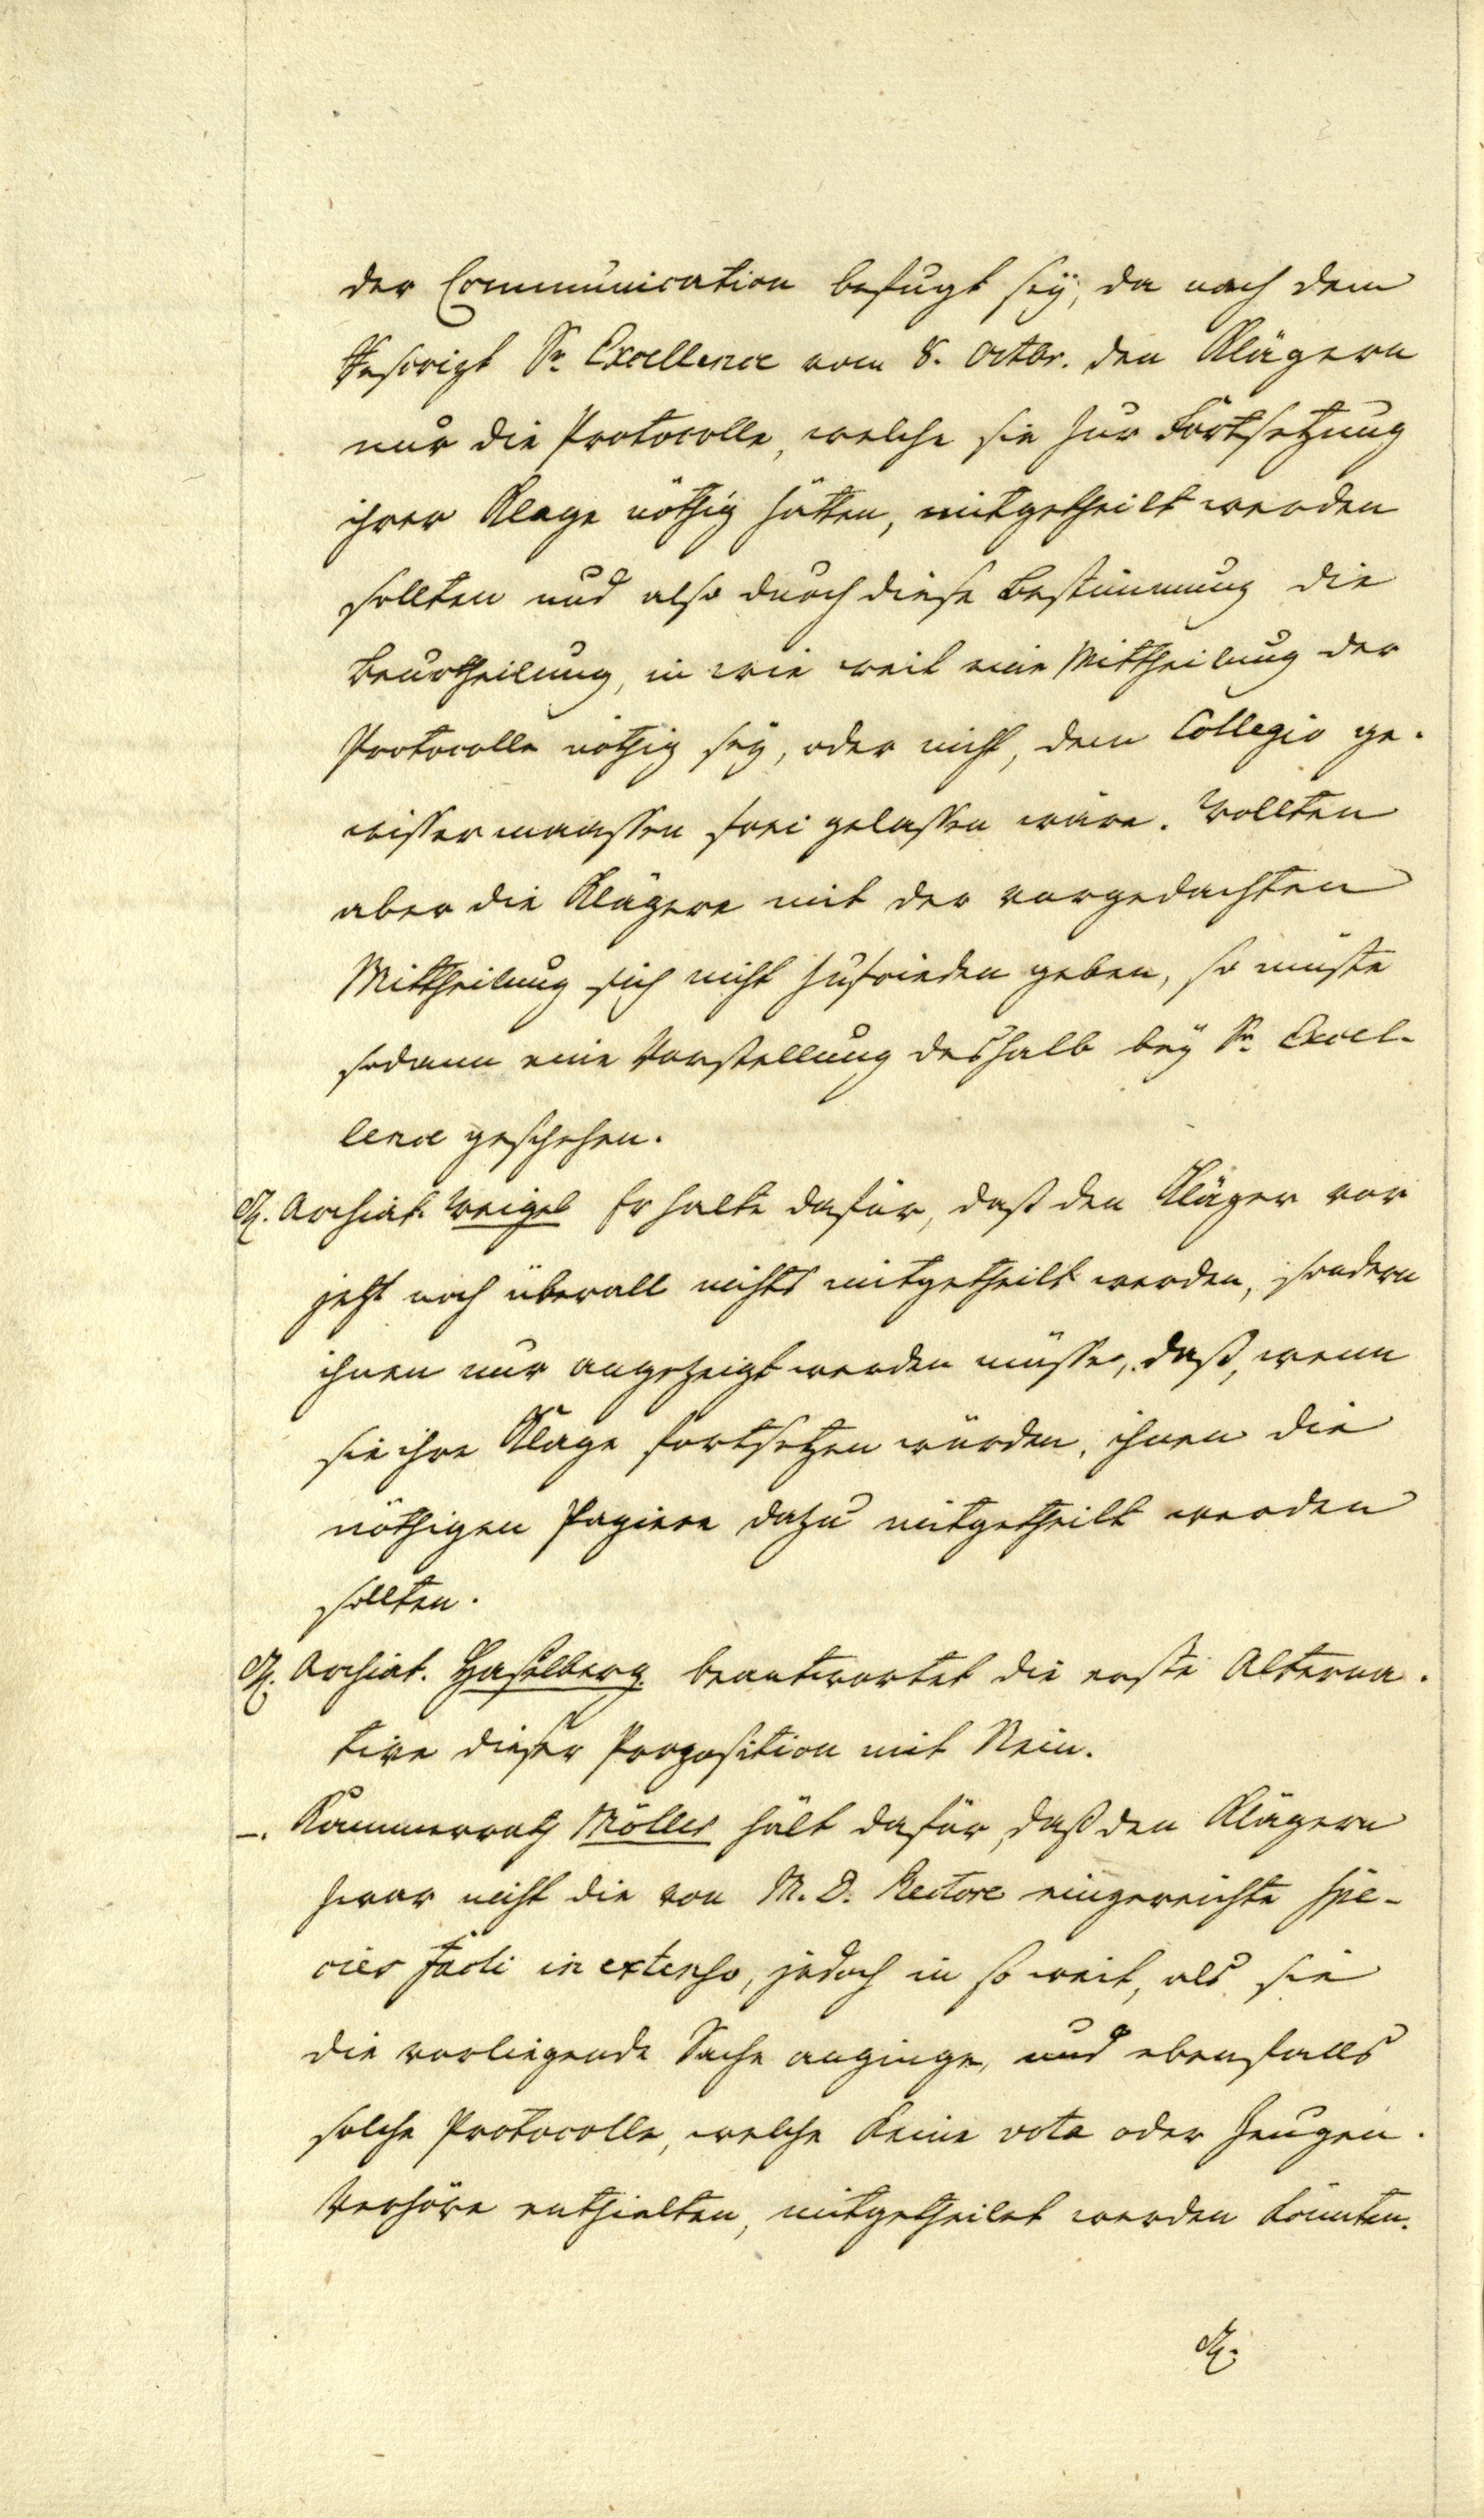der Communication befugt seÿ, da nach dem
Rescript Sr Excellence vom 8. Octbr. den Klägern
nur die Protocolle, welche sie zur Fortsetzung
ihrer Klage nöthig hätten, mitgetheilt werden
sollten und also durch diese Bestimmung die
Beurtheilung, in wie weit eine Mittheilung der
Protocolle nöthig seÿ, oder nicht, dem Collegio ge¬
wisser maassen frei gelassen wäre. Wollten
aber die Klägere mit der vorgedachten
Mittheilung sich nicht zufrieden geben, so müßte
sodann eine Vorstellung deshalb beÿ Sr. Excel¬
lence geschehen.
dh. Archiat. Weigel Er halte dafür, daß den Kläger vor
jetzt noch überall nicht mitgetheilt werden, sondern
ihnen nur angezeigt werden müsse, daß wenn
sie ihre Klage fortsetzen würden, ihnen die
nöthigen Papiere dazu mitgetheilt werden
sollten.
dh. Archiat. Haselberg beantwortet die erste Alterna¬
tive dieser Proposition mit Nein.
Kamerrath Möller hält dafür, daß den Klägern
zwar nicht die von M. D. Rectore eingereichte Spe¬
cies Facti in extenso, jedoch in so weit, als sie
die vorliegende Sache anginge, und ebenfalls
solche Protocolle, welche keine vota oder Zeugen¬
Verhöre enthielten, mitgetheilet werden könnten.
dh.